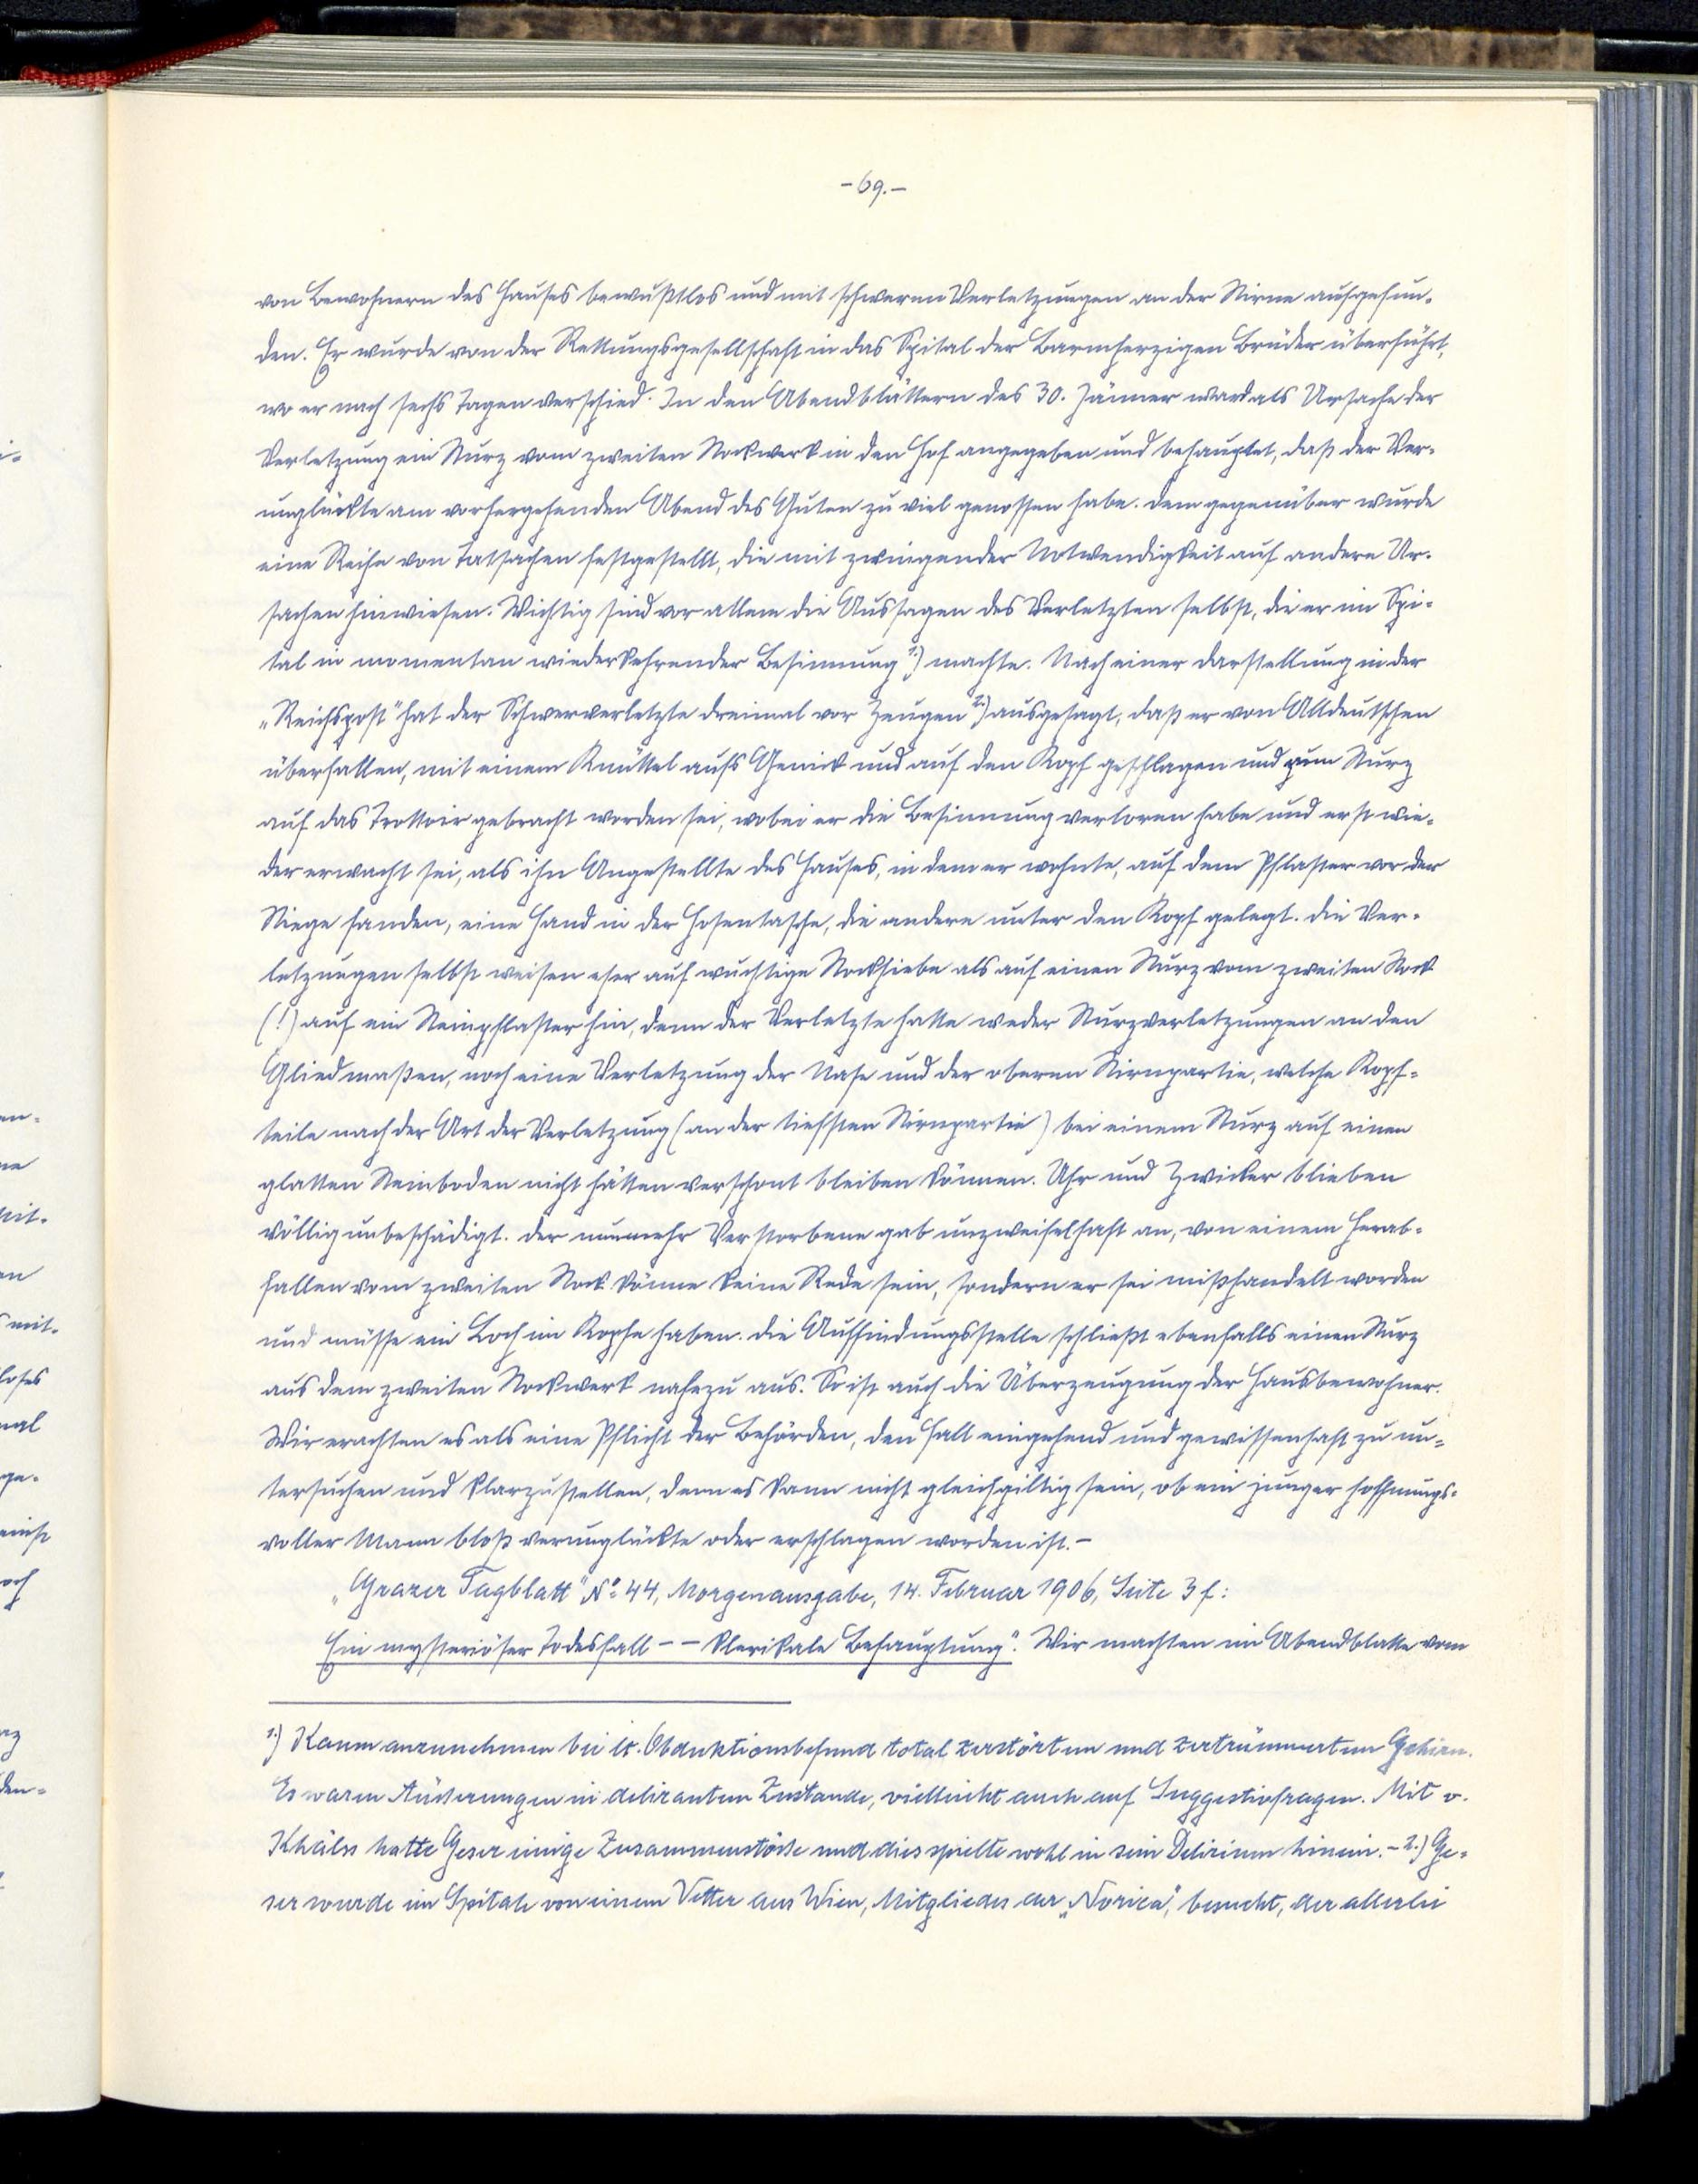69
von Bewohnern des Hauses bewusstlos und mit schweren Verletzungen an der Stirn aufgefun-
den. Er wurde von der Rettungsgesellschaft in das Spital der Barmherzigen Brüder überführt,
wo er nach sechs Tagen verschied. In den Abendblättern des 30. Jänner war als Ursache der
Verletzung ein Sturz vom zweiten Stockwerk in den Hof angegeben und behauptet, dass der Ver-
unglückte am vorhergehenden Abend des Guten zu viel genossen habe. Demgegenüber wurde
eine Reihe von Tatsachen festgestellt, die mit zwingender Notwendigkeit auf andere Ur-
sachen hinwiesen. Wichtig sind vor allem die Aussagen des Verletzten selbst, die er im Spi-
tal in momentan wiederkehrender Besinnung 1) machte. Nach einer Darstellung in der
„Reichspost“ hatte der Schwerverletzte dreimal vor Zeugen ausgesagt, dass er von Allendeutschen
überfallen, mit einem Knüttel aufs Genick und auf den Kopf geschlagen und zum Sturz
über das Trottoir gebracht worden sei, wobei er die Besinnung verloren habe und erst wie-
der erwacht sei, als ihn Angestellte des Hauses, in dem er wohnte, auf dem Pflaster vor der
Stiege fanden, eine Hand in der Hosentasche die andere unter den Kopf gelegt. Die Ver-
letzungen selbst weisen eher auf wuchtige Stockhiebe als auf einen Sturz vom zweiten Stock
(!) auf ein Steinpflaster hin, denn der Verletzte hatte weder Sturzverletzungen an den
Gliedmaßen, noch eine Verletzung der Nase und der oberen Stirnpartie, welche Kopf-
teile nach der Art der Verletzung (an der tiefsten Stirnpartie) bei einem Sturz auf einen
glatten Steinboden nicht hätten verschont bleiben können. Uhr und Zwicker blieben
völlig unbeschädigt. Der nunmehr Verstorbene gab unzweifelhaft an, von einem Herab-
fallen vom zweiten Stock könne keine Rede sein, sondern er sei mißhandelt worden.
und müsse ein Loch im Kopfe haben. Die Auffindungsstelle schließt jedenfalls einen Sturz
aus dem zweiten Stockwerk nahezu aus. So ist auf die Überzeugung der Hausbewohner.
Wir erachten es als eine Pflicht der Behörden, den Fall eingehend und gewissenhaft zu un-
tersuchen und klarzustellen, denn es kann nicht gleichgültig sein kann, ob ein junger hoffnungs-
voller Mann bloß verunglückte oder erschlagen worden ist.
„Grazer Tagblatt" Nr 44, Morgenausgabe, 14. Februar 1906, Seite 3f:
Ein mysteriöser Todesfall - klerikale Behauptung.“ Wir machten im Abendblatte vom
1) Kaum anzunehmen bei lt. Obduktionsbefund total zerstörtem und zertrümmertem Gehirn.
Es waren Äußerungen in delirantem Zustande, vielleicht auch auf Suggestivfragen. Mit v.
Khäls hatte Geser einige Zusammenstöße und dies spielte wohl in sein Delirium hinein. 2) Ge-
ser wurde im Spital von einem Vetter aus Wien, Mitglied der Norica“, besucht, der allerlei